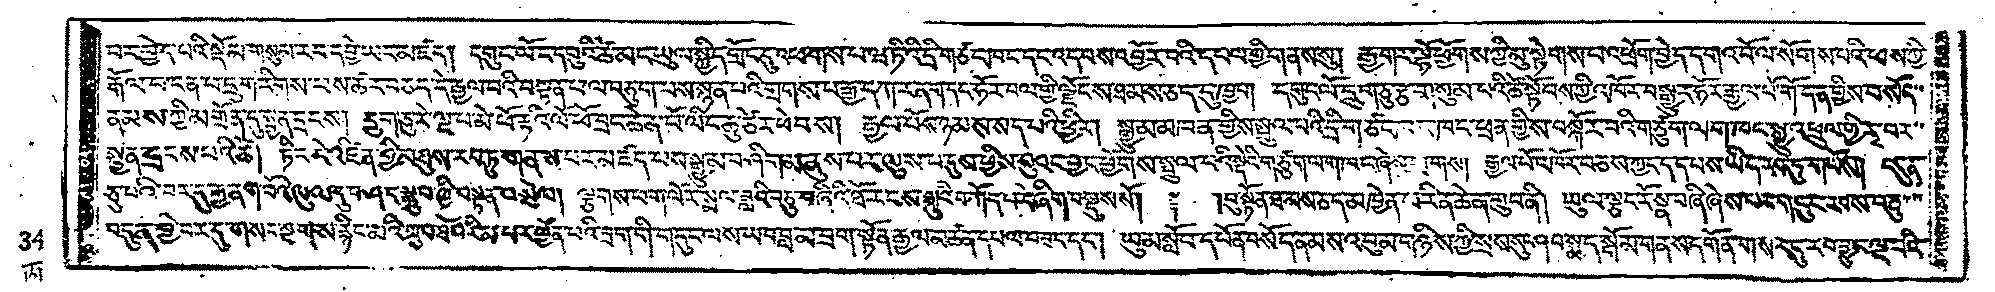པར་བྱེད་པའི་སྡོམ་གསུམ་རབ་དབྱེ་ཡང་མཛད། དགུང་ལོ་ང་དགུའི་ཚེ་མང་ཡུལ་སྐྱིད་གྲོང་དུ་འཕགས་པ་ཝ་ཏིའི་དྲི་གཙང་ཁང་དང་འདབས་འབྱོར་བའི་དཔལ་གྱི་གནས་སུ། རྒྱ་གར་ལྷོ་ཕྱོགས་ཀྱི་མུ་སྟེགས་པ་འཕྲོག་བྱེད་དགའ་བོ་ལ་སོགས་པའི་ཕས་ཀྱི་
རྒོལ་བ་ངན་པ་དྲུག་རིགས་པས་ཚར་བཅད་དེ་རྒྱལ་བའི་བསྟན་པ་ལ་བཅུག་པས་སྙན་པའི་གྲགས་པ་རྒྱ་དཀར་ནག་དང་ཧོར་བལ་གྱི་ལྗོངས་ཐམས་ཅད་དུ་ཁྱབ། དགུང་ལོ་དྲུག་ཅུ་རྩ་གསུམ་པའི་ཚེ་སྟོབས་ཀྱི་འཁོར་བསྒྱུར་ཧོར་རྒྱལ་པོ་གོ་དན་གྱིས་བསོད་
ནམས་ཀྱི་མགྲོན་དུ་སྤྱན་དྲངས། དྲུག་ཅུ་རེ་ལྔ་པ་མེ་ཕོ་རྟའི་ལོ་ཕོ་བྲང་ཆེན་པོ་ལིང་ཆུ་ཙེར་ཕེབས། རྒྱལ་པོས་ཉམས་སུ་སད་པའི་ཕྱིར། སྒྱུ་མ་མཁན་གྱིས་སྤྲུལ་པའི་དྲི་གཙང་ཁང་ཁང་ཕྲན་གྱིས་བསྐོར་བའི་གཙིག་ལག་ཁང་སྒྱུ་འཕྲུལ་གྱི་རཱ་བར་
སྤྱན་དྲངས་པའི་ཏེ། ཏིང་ངེ་འཛིན་གྱི་མཐུས་རབ་ཏུ་གནས་པར་མཛད་པས་སྒྱུ་མ་བཤིག་མ་ནུས་པར་ལུས་པ་དུས་ཕྱིས་སུཨཱང་བྱང་ཕྱོགས་སྤྲུལ་པའི་སྡེའི་གཙུག་ལག་ཁང་ཞེས་གྲགས། རྒྱལ་པོ་འཁོར་བཅས་ཀྱང་དད་པས་ཡིད་རབ་ཏུ་གཡོས། བདུན་
ཅུ་པའི་བར་དུ་རྒྱ་ནག་པོའི་ཡུལ་དུ་བཤད་སྒྲུབ་ཀྱི་བསྟན་པ་སྤེལ། ལྕགས་ཕག་ལོར་སྨལ་ཟླའི་བཅུ་བཞིའི་ཐོ་རངས་སྐུའི་བཀོད་པ་རེ་ཞིག་བསྡུས་སོ། ༈ །བུ་སྟོན་ཐམས་ཅད་མཁྱེན་པ་རིན་ཆེན་གྲུབ་ནི། ཡུལ་ལྕང་རོ་སྣ་བཞི་ཞེས་པར་གདུང་རབས་བཅུ་
བདུན་གྱི་བར་དུ་གསང་སྔགས་རྙིང་མའི་གྲུབ་ཐོབ་རིམ་པར་བྱོན་པའི་བྲག་གི་གདུང་ལས་ཡབ་བླ་མ་བྲག་སྟོན་རྒྱལ་མཚན་དཔལ་བཟང་དང་། ཡུམ་སློབ་དཔོན་བསོད་ནམས་འབུམ་གཉིས་ཀྱི་སྲས་སུ་ཤབ་སྨད་སྒོམ་གནས་དགོན་གསར་དུ་རབ་བྱུང་ལྔ་པའི་